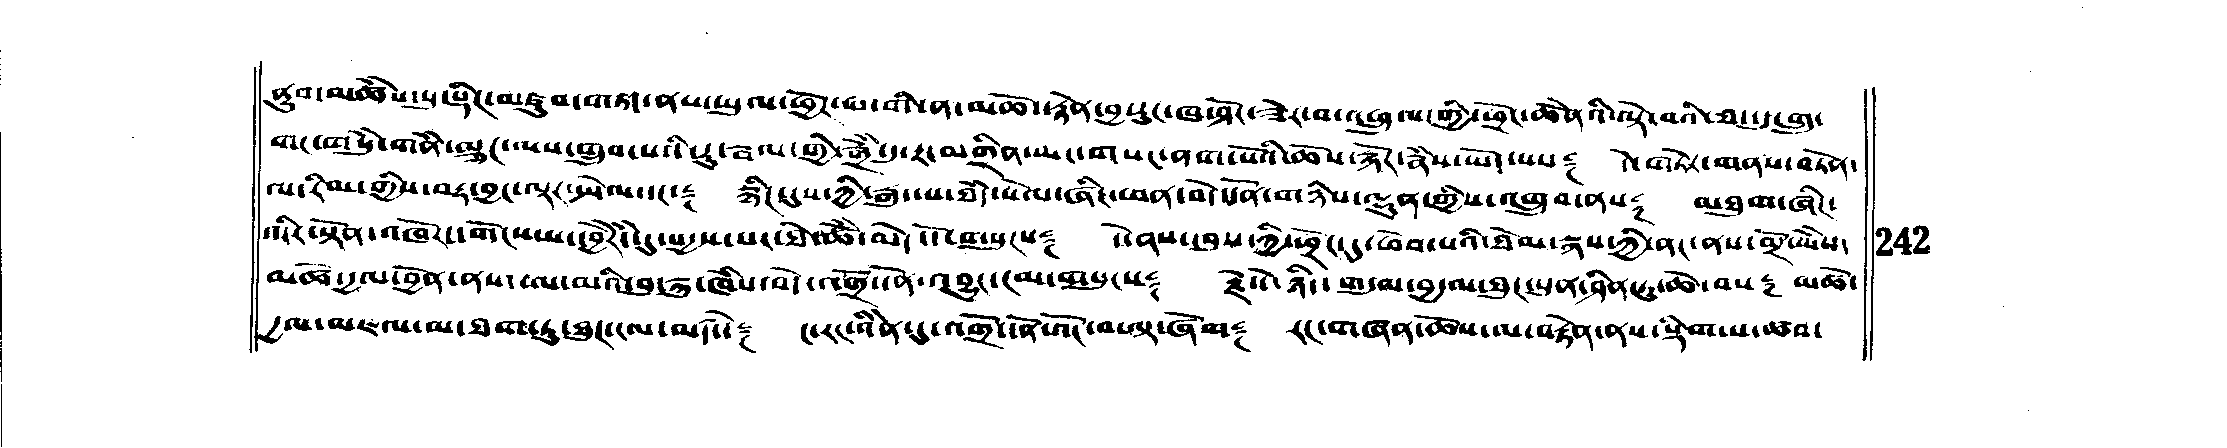ནུབ་མཚམས་སུ་སྡིགས་མཛུབ་གཏད་ནས་ཡུལ་ཕྱོགས་ཡ་གི་ན་མཆོད་རྟེན་བྱ་རུང་ཁ་ཤོར་ཟེར་བ་འཕྲུལ་གྱི་ཕོ་བྲང་ཆེན་པོའི་ལྟེ་བའི་ཐད་དུ་གྲུ་
གང་གསུམ་གནམ་ལྕགས་ལས་གྲུབ་པའི་རུ་སྦལ་གྱི་སྒྲོམ་དུ་རྟ་མགྲིན་ཡང་གསང་ནག་པོའི་ཆོས་སྐོར་རྣམས་ཡོད་པས། དེ་གཏེར་གནས་བཏོན་
ལ་རིམ་གྱིས་བརྡ་བྱང་ལྟར་སྤེལ་དང་། སྙིགས་དུས་ཀྱི་རྒུད་པ་ཐམས་ཅད་སེལ་ཞིང་ཕན་བདེ་དོན་གཉིས་ལྷུན་གྱིས་འགྲུབ་ནས། མཐར་ཐུག་ཞིང་
འདིར་སྟོན་འཁོར་དགོངས་པ་དབྱེར་མེད་དུ་སངས་རྒྱས་པར་ཐེ་ཚོམ་མེད་དོ་གསུངས། དེ་ནས་དབུས་ཀྱི་ཕོ་བྲང་དུ་ཕེབས་པའི་ཐེམ་སྐས་ཀྱི་ནང་ནས་མཁའ་འགྲོ་ཡེ་ཤེས་
མཚོ་རྒྱལ་བྱོན་ནས་ཨ་མའི་བུ་སྐུ་ཁམས་བདེ་འགྲོ་དོན་འབྱུང་ངམ་གསུངས། རྗེ་དེ་ཉིད་གདུལ་བྱ་ལ་ཐུགས་སུན་ཤིན་ཏུ་ཆེ་བས། མཚོ་
རྒྱལ་མཇལ་མ་ཐག་ཏུ་ཐུགས་ངལ་མཛད་དེ། ང་རང་གི་འཇིག་རྟེན་དུ་འགྲོ་དོན་འོང་བ་ལྟ་ཞོག རང་གཞན་ཆོས་ལ་བརྟེན་ནས་སྡིག་པ་ཚབ་